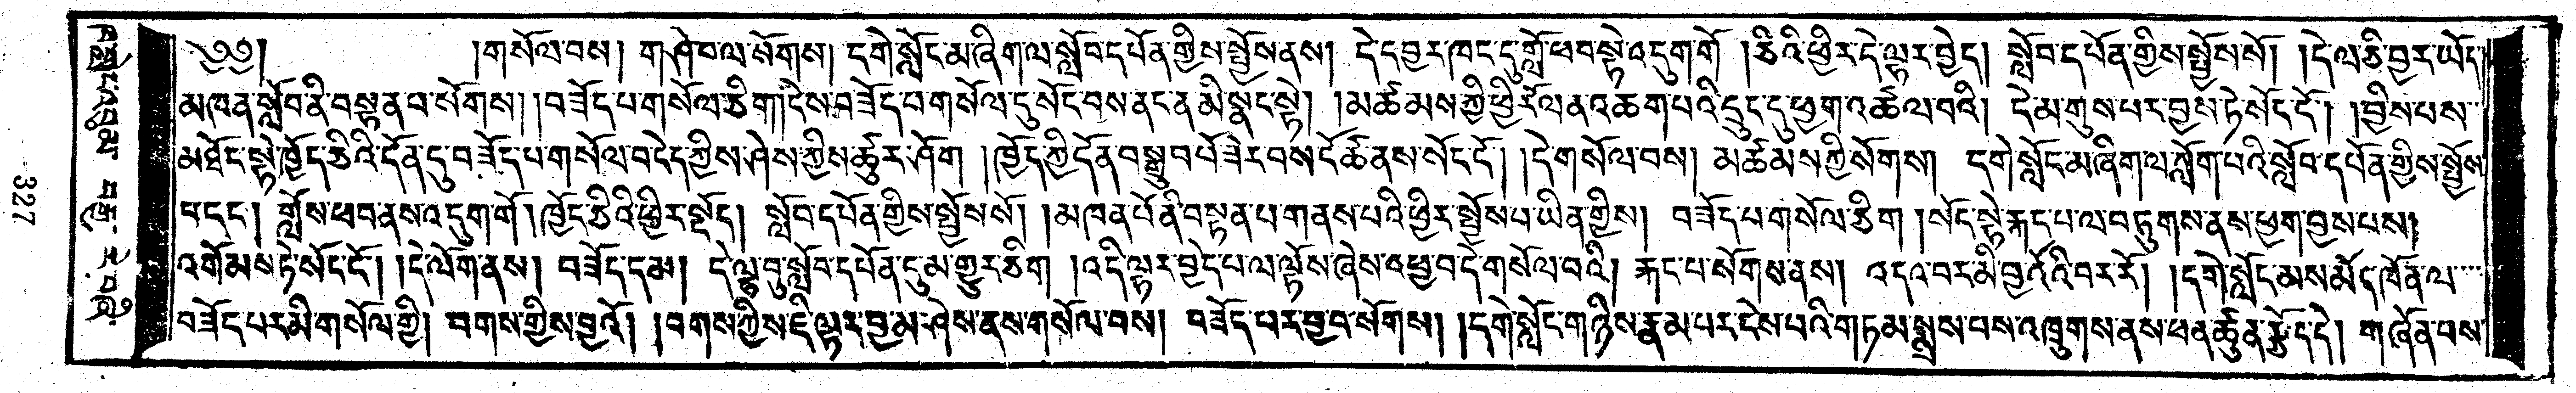༄༅། །གསོལ་བས། གཤེ་བ་ལ་སོགས། དགེ་སློང་མ་ཞིག་ལ་སློབ་དཔོན་གྱིས་སྤྱོས་ནས། དེ་དབྱར་ཁང་དུ་གློ་ཕབ་སྟེ་འདུག་གོ །ཅིའི་ཕྱིར་དེ་ལྟར་བྱེད། སློབ་དཔོན་གྱིས་སྤྱོས་སོ། །དེ་ལ་ཅི་བྱར་ཡོད་
མཁན་སློབ་ནི་བསྟན་པ་སོགས། །བཟོད་པ་གསོལ་ཅིག །ངེས་བཟོད་པ་གསོལ་དུ་སོང་བས་ནང་ན་མི་སྣང་སྟེ། །མཚམས་ཀྱི་ཕྱི་རོལ་ན་འཆག་པའི་དྲུང་དུ་ཕྱག་འཚལ་བའི། དེ་མ་གུས་པར་བྱས་ཏེ་སོང་ངོ། །བྱིས་པས་
མཐོང་སྟེ་ཁྱོད་ཅིའི་དོན་དུ་བཟོད་པ་གསོལ་བ་ངེད་ཀྱིས་ཤེས་ཀྱིས་ཚུར་ཤོག །ཁྱོད་ཀྱི་དོན་བསྒྲུབ་པོ་ཟེར་བས་ངོ་ཚ་ནས་སོང་ངོ། །དེ་གསོལ་བས། མཚམས་ཀྱི་སོགས། དགེ་སློང་མ་ཞིག་ལ་ཀློག་པའི་སློབ་དཔོན་གྱིས་སྤྱོས་
པ་དང་། གློས་ཕབ་ནས་འདུག་གོ །ཁྱོད་ཅིའི་ཕྱིར་སྡོད། སློབ་དཔོན་གྱིས་སྤྱོས་སོ། །མཁན་པོ་ནི་བསྟན་པ་གནས་པའི་ཕྱིར་སྤྱོས་པ་ཡིན་གྱིས། བཟོད་པ་གསོལ་ཅིག །སོང་སྟེ་རྐང་པ་ལ་བཏུགས་ནས་ཕྱག་བྱས་པས།
འགོམས་ཏེ་སོང་ངོ། །དེ་ལོག་ནས། བཟོད་དམ། དེ་ལྟ་བུ་སློབ་དཔོན་དུ་མ་གྱུར་ཅིག །འདི་ལྟར་བྱེད་པ་ལ་ལྟོས་ཞེས་འཕྱ་བ་དེ་གསོལ་བའི། རྐང་པ་སོགས་ནས། འདའ་བར་མི་བྱའོའི་བར་རོ། །དགེ་སློང་མས་མོད་ཁོན་ལ་
བཟོད་པར་མི་གསོལ་གྱི། བགས་གྱིས་བྱའོ། །བགས་ཀྱིས་ཇི་ལྟར་བྱ་མ་ཤེས་ནས་གསོལ་བས། བཟོད་པར་བྱ་བ་སོགས། །དགེ་སློང་གཉིས་རྣམ་པར་ངེས་པའི་གཏམ་སྨྲས་པས་འཁྲུགས་ནས་ཕན་ཚུན་རྩོད་དེ། གཞོན་པས་